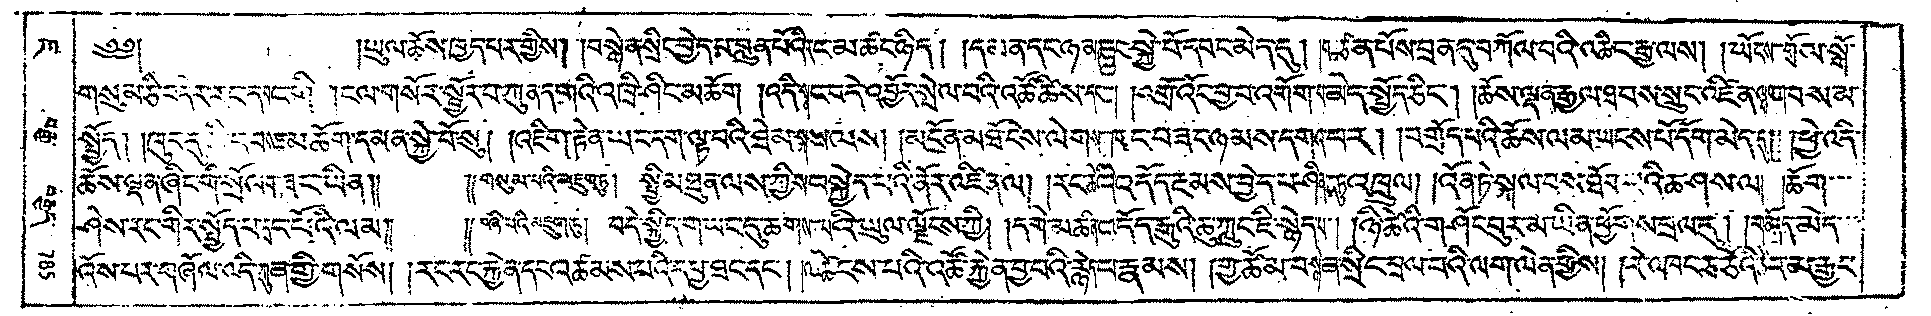༄༅། །ཡུལ་ཆོས་ཁྱད་པར་གྱིས། །བསྙེན་སྲིད་བྱེད་པ་བླུན་པོའི་རང་མཚང་ཉིད། །དམན་དང་ཉམ་ཆུང་སྐྱེ་བོ་དབང་མེད་དུ། །བཙན་པོས་བྲན་དུ་བཀོལ་བའི་འཆིང་རྒྱ་ལས། །ཡོངས་གྲོལ་སྒོ་
གསུམ་ཅི་བདེར་རང་དབང་གི །ངལ་གསོར་སྦྱོར་པ་ཀུན་དགའི་འཁྲི་ཤིང་མཆོག །འདི་སྣང་བདེ་འབྱོར་སྤེལ་བའི་འཚོ་ཚིས་དང་། །འགྲོ་འོང་བྱ་བ་འགོག་པ་མེད་སྤྱོད་ཅིང་། །ཆོས་ལྡན་རྒྱལ་ཐབས་སྲུང་འཛིན་ལྷག་བསམ་
སྤྱོད། །ཁུར་དུ་མི་བབས་མཆོག་དམན་སྐྱེ་བོ་སུ། །འཇིག་རྟེན་ཡང་དག་ལྟ་བའི་ཐེམ་སྐས་ལས། །མངོན་མཐོ་ངེས་ལེགས་ཁང་བཟང་ཉམས་དགའ་བར། །བགྲོད་པའི་ཆོས་ལམ་ཡངས་པོ་དོག་མེད་དུ། །ཕྱེ་འདི་
ཆོས་ལྡན་ཞིང་གི་སྲོལ་བཟང་ཡིན།། །། གསུམ་པའི་མཇུག་ཏུ།  སྤྱི་མཐུན་ལས་ཀྱིས་བསྐྱེད་པའི་ནོར་འཛིན་ལ། །རང་ཆེའི་འདོད་རྔམས་བྱེད་པ་ཤིན་ཏུ་འཁྲུལ། །འོན་ཏེ་སྐལ་བས་ཐོབ་པའི་ཆ་ཤས་ལ། །ཆོག་
ཤེས་རང་གིར་སྤྱོད་པ་དྲང་པོའི་ལམ།། །། བཞི་པའི་མཇུག་ཏུ།  བདེ་སྐྱིད་གཡང་དུ་ཆགས་པའི་ཡུལ་ལྗོངས་ཀྱི། །དགེ་མཚན་འདོད་རྒུའི་ཆུ་ཀླུང་ཇི་སྙེད་པ། །ཉི་ཚེའི་གཤོང་བུར་མ་ཡིན་ཕྱོགས་བྲལ་དུ། །གནོད་མེད་
འོས་པར་གཞོལ་འདི་ཀུན་གྱི་གསོས། །རང་རང་རྐྱེན་དང་འཚམས་པའི་དཔྱ་ཐང་དང་། །འཚེངས་པའི་འཚོ་རྐྱེན་བྱ་བའི་རྙེད་པ་རྣམས། །གྱ་ཚོམ་བསྙེན་སྲིང་བྲལ་བའི་ལག་ལེན་གྱིས། །རེ་འཁང་ཅ་ཅོའི་ཚེར་མ་རྒྱང་